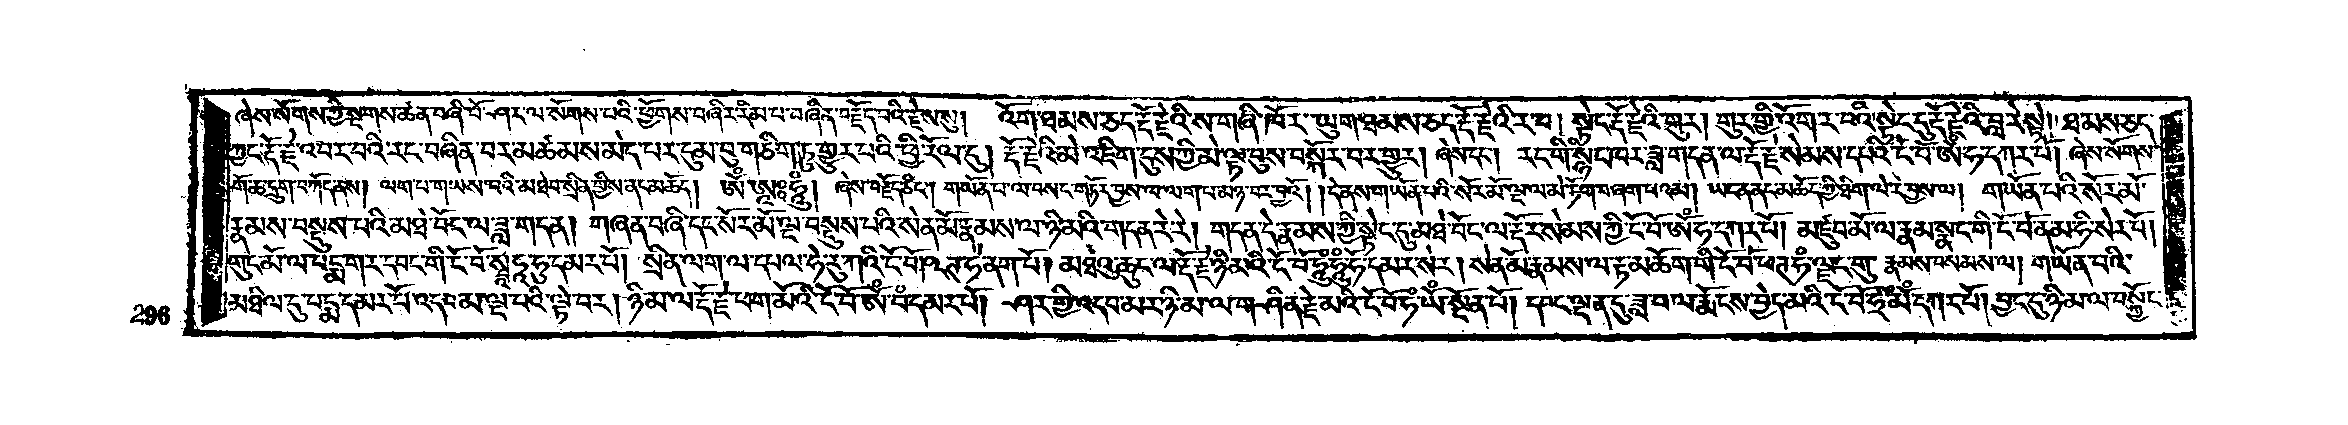ཞེས་སོགས་ཀྱི་སྔགས་ཚན་བཞི་པོ་ཤར་ལ་སོགས་པའི་ཕྱོགས་བཞིར་རིམ་པ་བཞིན་བརྗོད་པའི་རྗེས་སུ། འོག་ཐམས་ཅད་རྡོ་རྗེའི་ས་གཞི་ཁོར་ཡུག་ཐམས་ཅད་རྡོ་རྗེའི་ར་བ། སྟེང་རྡོ་རྗེའི་གུར། གུར་གྱི་འོག་ར་བའི་སྟེང་དུ་རྡོ་རྗེའི་བླ་རེ་སྟེ། ཐམས་ཅད་
ཀྱང་རྡོ་རྗེ་འབར་བའི་རང་བཞིན་བར་མཚམས་མེད་པར་དུམ་བུ་གཅིག་ཏུ་གྱུར་པའི་ཕྱིར་རོལ་དུ། རྡོ་རྗེའི་མེ་འཇིག་དུས་ཀྱི་མེ་ལྟ་བུས་བསྐོར་བར་གྱུར། ཞེས་དང་།  རང་གི་སྙིང་ཁར་ཟླ་གདན་ལ་རྡོ་རྗེ་སེམས་དཔའི་ངོ་བོ་ཨོཾ་ཧ་དཀར་པོ། ཞེས་སོགས་
གོ་ཆ་དྲུག་བཀོད་ནས། ལག་པ་གཡས་པའི་མཐེབ་སྲིན་གྱིས་ནང་མཆོད། ཨོཾ་ཨཱཿ ཧཱུཾ། ཞེས་བརྗོད་ཅིང་། གཡོན་པ་ལ་བསང་གཏོར་བྱས་ལ་ལག་པ་ཉ་བར་བྱའོ། །དེ་ནས་གཡོན་པའི་སོར་མོ་ལྔ་ལ་མེ་ཏོག་བཞག་པའམ། ཡང་ན་ནང་མཆོད་ཀྱི་ཐིག་ལེ་རེ་བྱས་ལ།  གཡོན་པའི་སོར་མོ་
རྣམས་བསྡུས་པའི་མཐེ་བོང་ལ་ཟླ་གདན། གཞན་བཞི་དང་སོར་མོ་ལྔ་བསྡུས་པའི་སེན་མོ་རྣམས་ལ་ཉི་མའི་གདན་རེ་རེ། གདན་དེ་རྣམས་ཀྱི་སྟེང་དུ་མཐེ་བོང་ལ་རྡོར་སེམས་ཀྱི་ངོ་བོ་ཨོཾ་ཧ་དཀར་པོ། མཛུབ་མོ་ལ་རྣམ་སྣང་གི་ངོ་བོ་ན་མ་ཧི་སེར་པོ།
གུང་མོ་ལ་པདམ་གར་དབང་གི་ངོ་བོ་སྭཱཧཱ་ཧུ་དམར་པོ། སྲིན་ལག་ལ་དཔལ་ཧེ་རུ་ཀའི་ངོ་བོ་ཥ་ཊ་ཧེ་ནག་པོ། མཐེའུ་ཆུང་ལ་རྡོ་རྗེ་ཉི་མའི་ངོ་བོ་ཧཱུཾ་ཧཱུཾ་ཧོ་དམར་སེར། སེན་མོ་རྣམས་ལ་རྟ་མཆོག་གི་ངོ་བོ་ཕཊ་ཧཾ་ལྗང་གུ་རྣམས་བསམས་ལ།  གཡོན་པའི་
མཐིལ་དུ་པདམ་དམར་པོ་འདབ་མ་ལྔ་པའི་ལྟེ་བར། ཉི་མ་ལ་རྡོ་རྗེ་ཕག་མོའི་ངོ་བོ་ཨོཾ་བཾ་དམར་པོ། ཤར་གྱི་འདབ་མར་ཉི་མ་ལ་གཤིན་རྗེ་མའི་ངོ་བོ་ཧཾ་ཡོཾ་སྔོན་པོ། དབང་ལྡན་དུ་ཟླ་བ་ལ་རྨོངས་བྱེད་མའི་ངོ་བོ་ཧྲིཾ་མོཾ་དཀར་པོ། བྱང་དུ་ཉི་མ་ལ་བསྐྱོད་